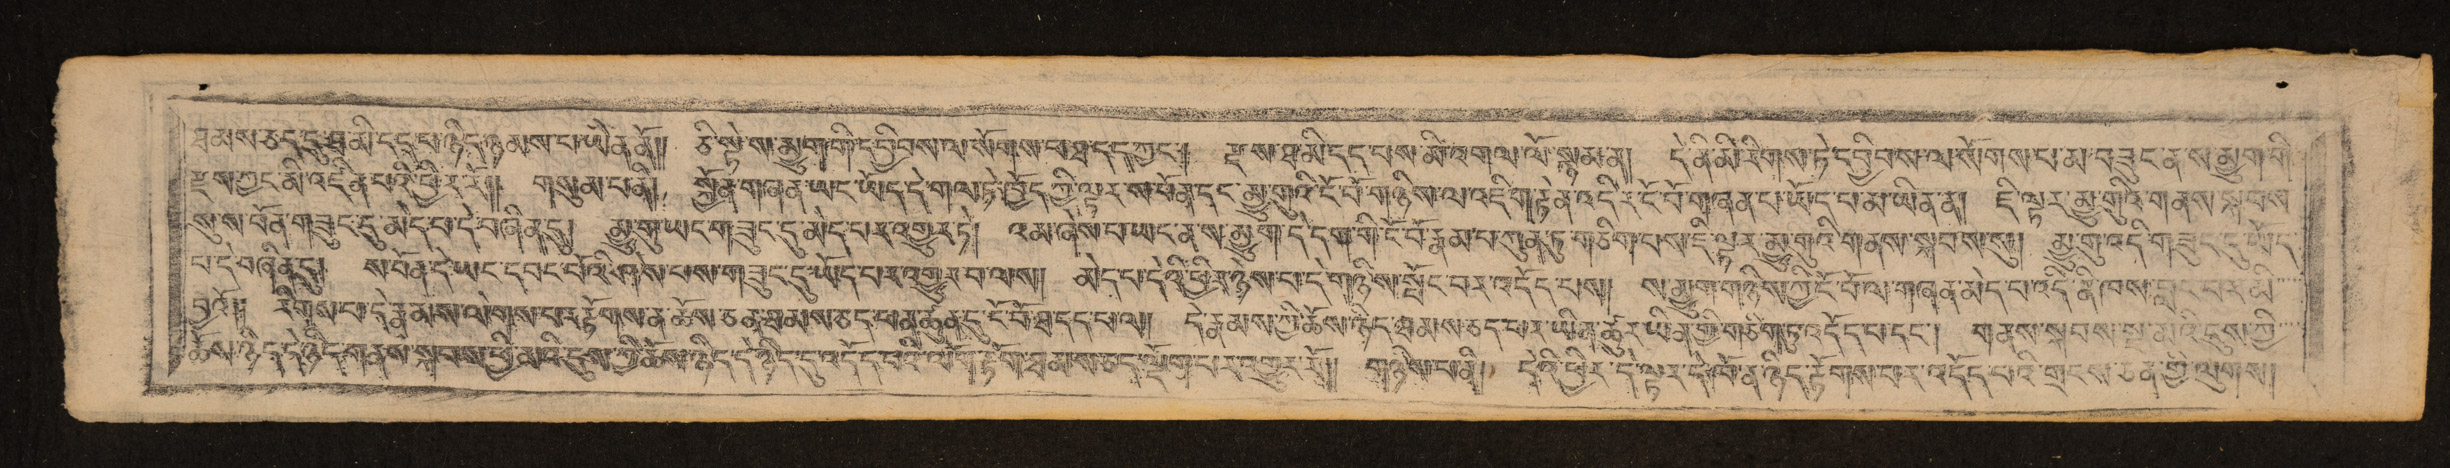ཐམས་ཅད་དུ་ཐ་མི་དད་པ་ཉིད་ཉམས་པ་ཡིན་ནོ།། ཅི་སྟེ་ས་མྱུག་གི་དབྱིབས་ལ་སོགས་པ་ཐ་དད་ཀྱང་། རྫས་ཐ་མི་དད་པས་མི་འགལ་ལོ་སྙམ་ན། དེ་ནི་མི་རིགས་ཏེ་དབྱིབས་ལ་སོགས་པ་མ་བཟུང་ན་ས་མྱུག་གི་
རྫས་ཀྱང་མི་འཛིན་པའི་ཕྱིར་རོ།། གསུམ་པ་ནི། སྐྱོན་གཞན་ཡང་ཡོད་དེ་གལ་ཏེ་ཁྱོད་ཀྱི་ལྟར་ས་བོན་དང་མྱུ་གུའི་ངོ་བོ་གཉིས་ལ་འཇིག་རྟེན་འདིར་ངོ་བོ་གཞན་པ་ཡོད་པ་མ་ཡིན་ན། ཇི་ལྟར་མྱུ་གུའི་གནས་སྐབས་
སུ་ས་བོན་གཟུང་དུ་མེད་པ་དེ་བཞིན་དུ། མྱུ་གུ་ཡང་གཟུང་དུ་མེད་པར་འགྱུར་ཏེ། འམ་ཞེས་པ་ཡང་ན་ས་མྱུག་དེ་དག་གི་ངོ་བོ་རྣམ་པ་ཀུན་ཏུ་གཅིག་པས་ཇི་ལྟར་མྱུ་གུའི་གནས་སྐབས་སུ། མྱུ་གུ་འདི་གཟུང་དུ་ཡོད་
པ་དེ་བཞིན་དུ། ས་བོན་དེ་ཡང་དབང་པོའི་ཤེས་པས་གཟུང་དུ་ཡོད་པར་འགྱུར་བ་ལས། མེད་པ་དེའི་ཕྱིར་ཉེས་པ་དེ་གཉིས་སྤོང་བར་འདོད་པས། ས་མྱུག་གཉིས་ཀྱི་ངོ་བོ་ལ་གཞན་མེད་པ་འདི་ནི་ཁས་བླང་བར་མི་
བྱའོ། །རིགས་པ་དེ་རྣམས་ལེགས་པར་རྟོགས་ན་ཆོས་ཅན་ཐམས་ཅད་ཕན་ཚུན་དུ་ངོ་བོ་ཐ་དད་པ་ལ། དེ་རྣམས་ཀྱི་ཆོས་ཉིད་ཐམས་ཅད་ཕར་ཡིན་ཚུར་ཡིན་གྱི་གཅིག་ཏུ་འདོད་པ་དང་། གནས་སྐབས་སྔ་མའི་དུས་ཀྱི་
ཆོས་ཉིད་དེ་ཉིད་གནས་སྐབས་ཕྱི་མའི་དུས་ཀྱི་ཆོས་ཉིད་དེ་ཉིད་དུ་འདོད་པའི་ལོག་རྟོག་ཐམས་ཅད་ལྡོག་པར་འགྱུར་རོ།། གཉིས་པ་ནི། དེའི་ཕྱིར་དེ་ལྟར་དེ་ཁོ་ན་ཉིད་རྟོགས་པར་འདོད་པའི་གྲངས་ཅན་གྱི་ལུགས།